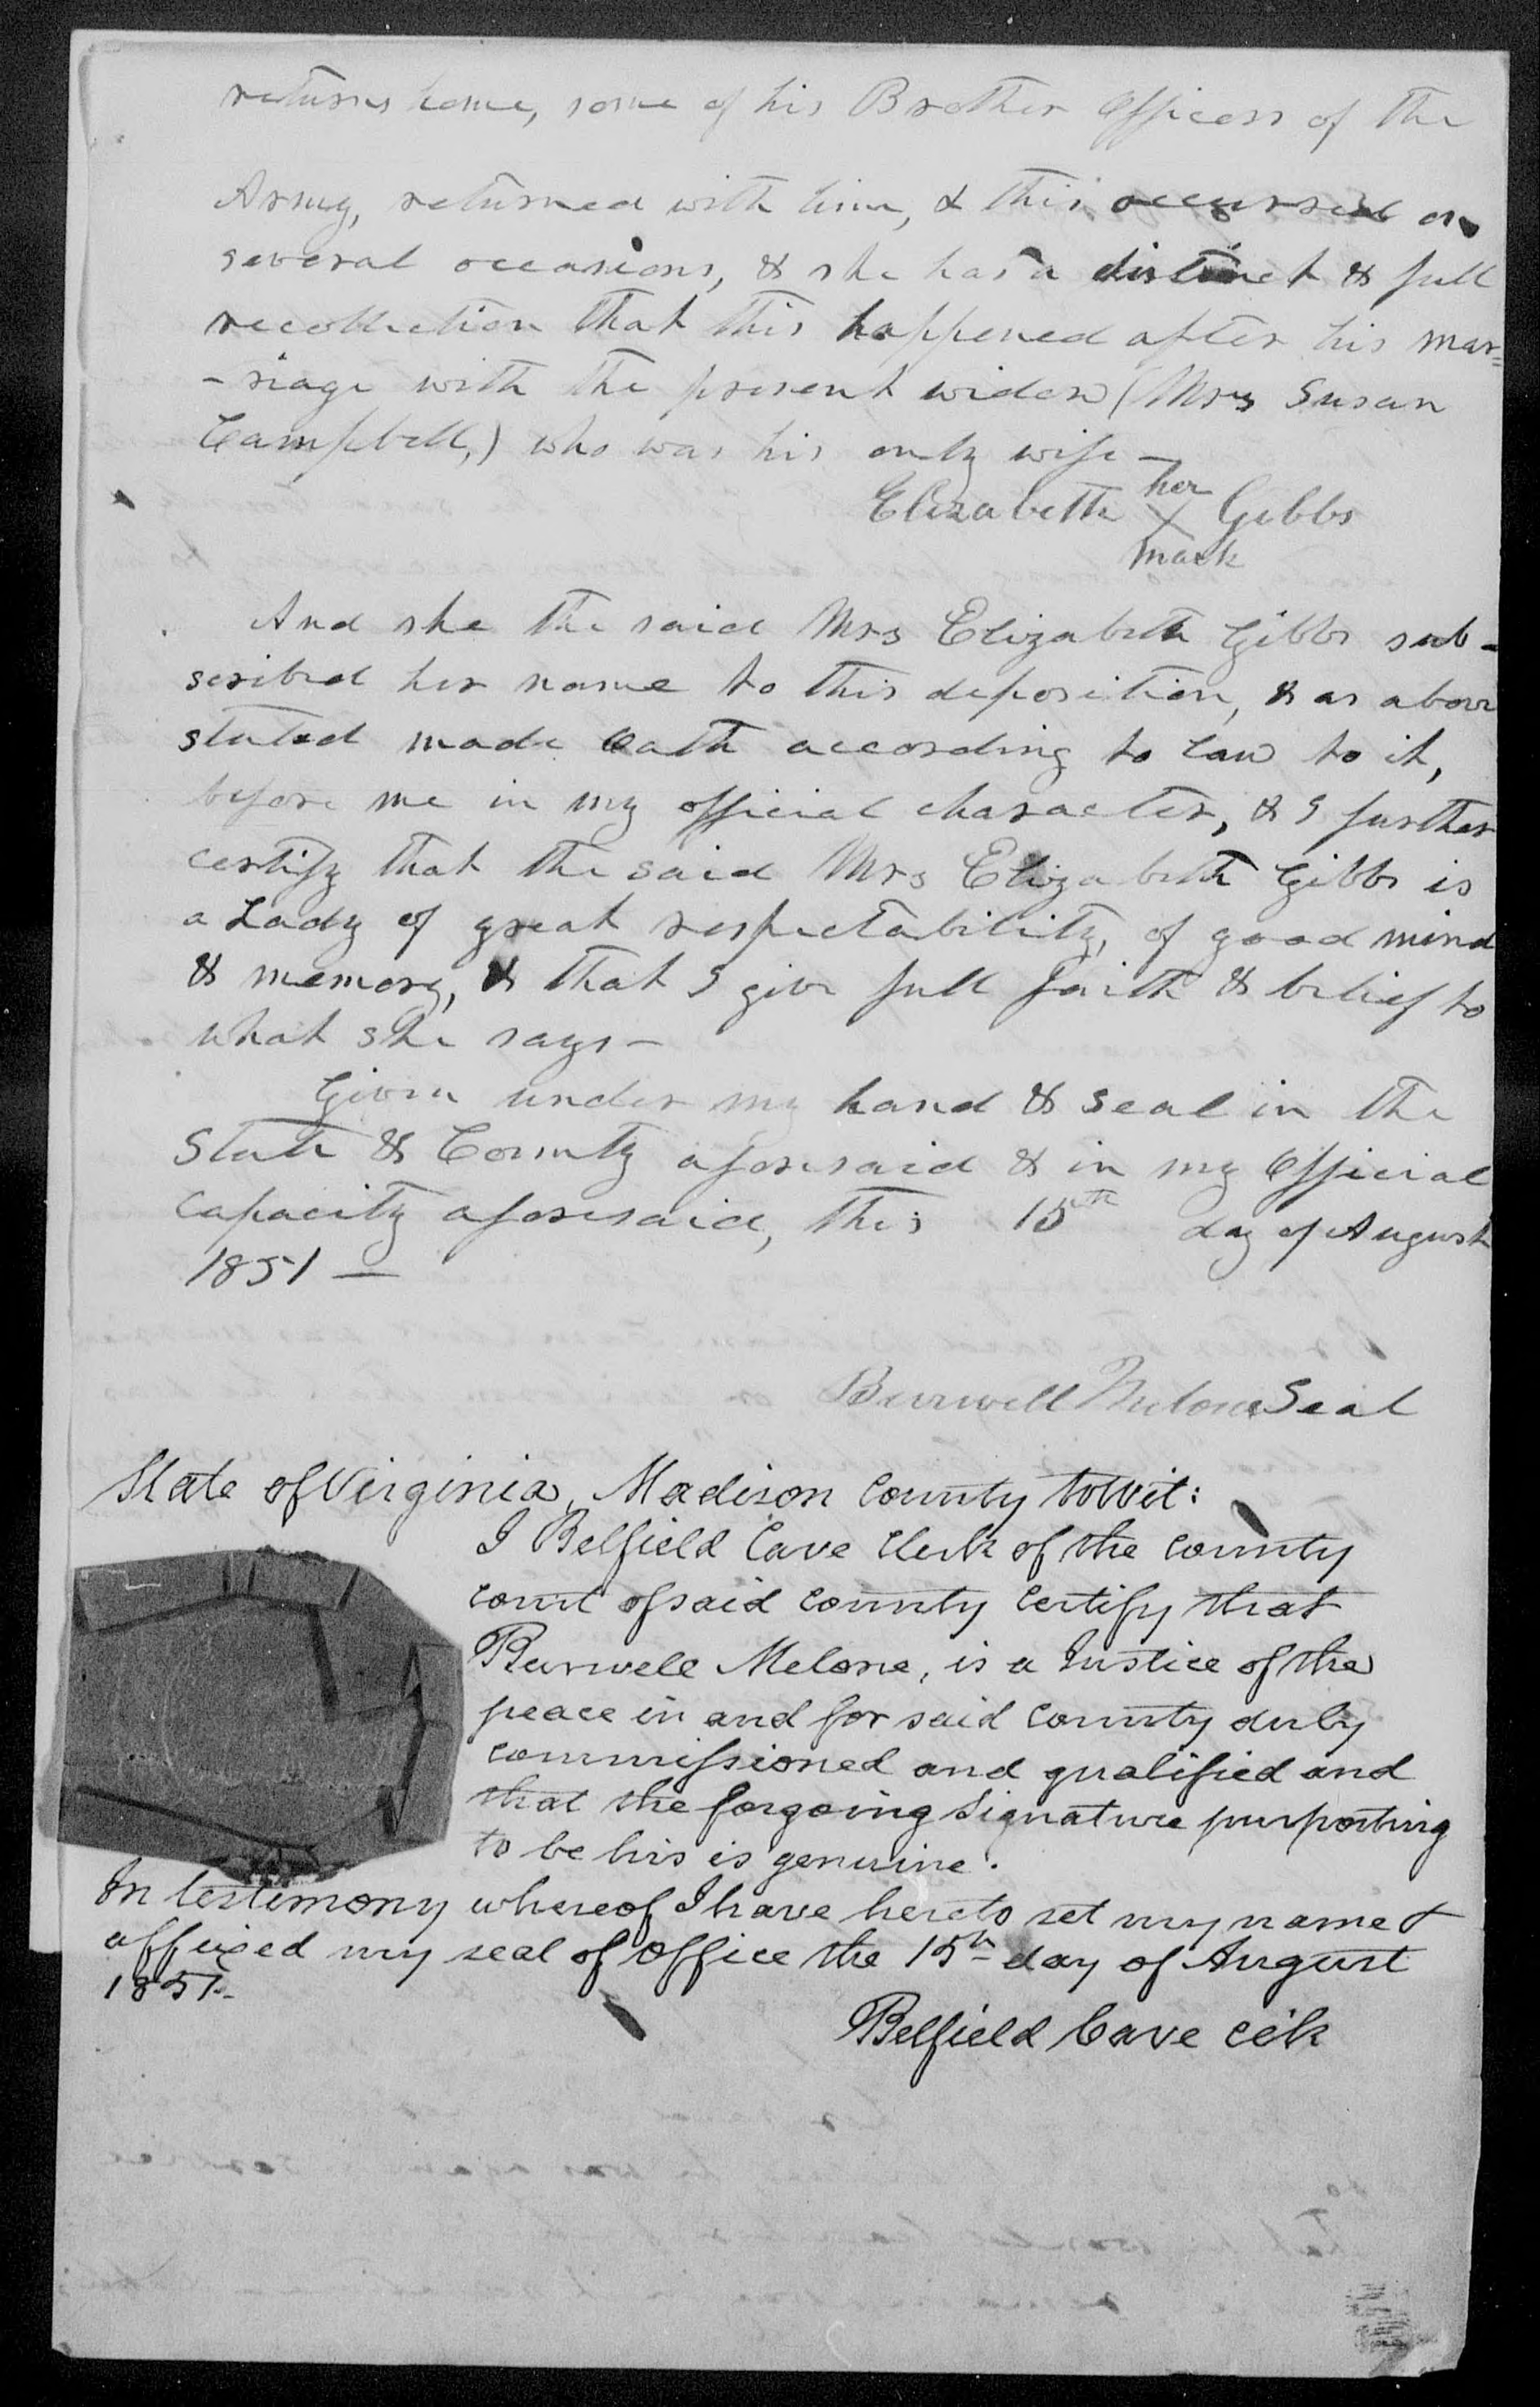returns home, some of his Brother officers of the Army, returned with him, +[and] this occurred on several occasions, +[and] she has a distinct +[and] full recollection that this happened after his marriage with the present widow (Mrs Susan Campbell) who was his only wife __
Elizabeth X [insert] her mark [insert end] Gibbs

And she the said Mrs Elizabeth Gibbs subscribed her name to this deposition, +[and] as above stated made oath according to law to it, before me in my official character, +[and] I further certify that the said Mrs Elizabeth Gibbs is a Lady of great respectability, of good mind +[and] memory, +[and] that I give full faith +[and] belief to what she says _
Given under my hand +{and] seal in my official capacity aforesaid, this 15the day of August 1851 ___
Burwell Malone Seal

State of Virginia, Madison County to wit:
I Belfield Cave Clerk of the County Court of said county certify that Burwell Malone, is a Justice of the peace in and for said county duly commissioned and qualified and that the forgoing Signature purporting to be his is genuine.
In testimony whereof I have hereto set my name +[and] affixed my seal of office the 15th day of August 1851.
Belfield Cave clk

[remnants of what appears to be a seal attached to the left lower corner of document next to Belfield Cave statement]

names: Susan Campbell, Belfield Cave, Elizabeth Gibbs, Burwell Melone, Belfield Cave, Burwell Melone, Elizabeth Gibbs, Elizabeth Gibbs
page: 26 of 267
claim: widow's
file: W. 4,149, William Campbell, Va.